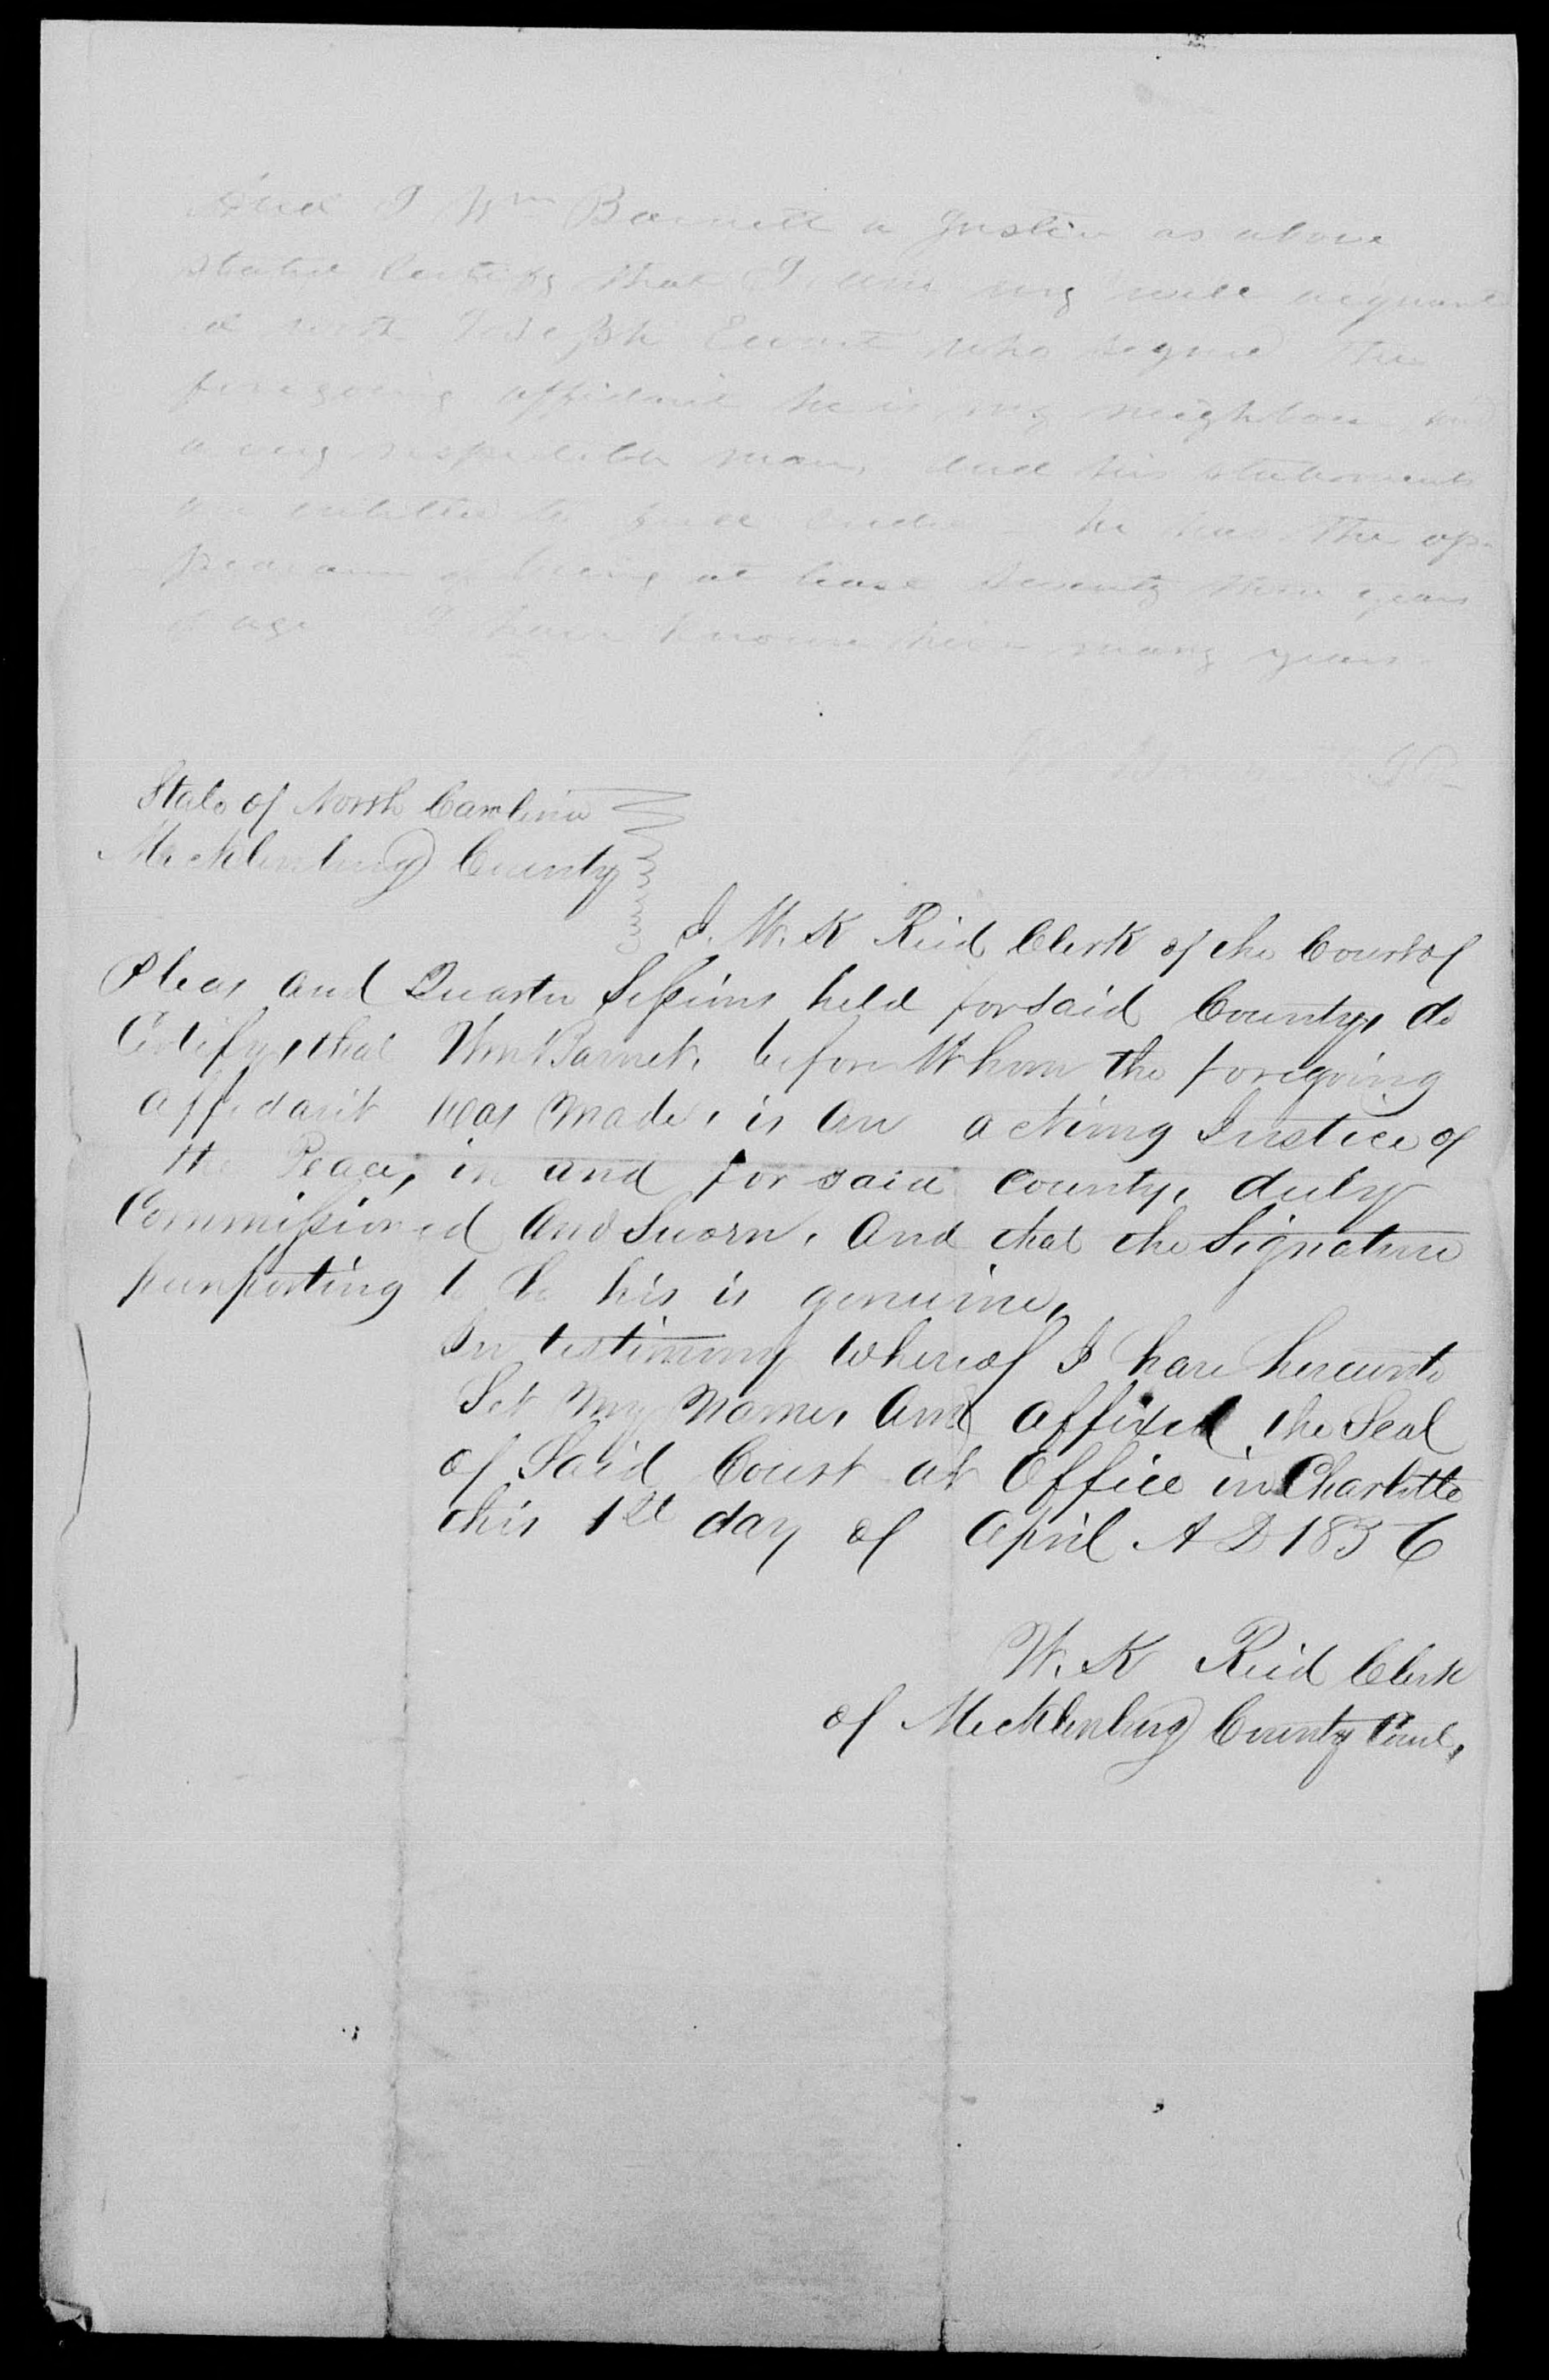And I Wm. Barnette a Justice as above state and county that I was well acquainted with Jospeph Euart who signed this foregoing affidavit he is my neighbor and is a respectively man, and his statement are creditable to full credit he was the appearance of being at least seventy three years of age & have known him many years.
Wm Barnette JP
State of North Carolina
Meckenburg County
I M.K. Reid Clark of the County Pleas and Quarter Sessions held aforesaid County do certify that Wm. Barnet before whom the foregoing affidavit was made in acting Justice of the Peace and fore said county, duly commissioned and sworn, and, that the Signature preporting to be his is genuine.  
On testimony whereof I have hereunto set my name and affixed the seal of said court of office in Charlotte this 1st day of April AD 1836.
WK Reid Clerk of Meckenburg County Court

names: W K Reid, Wm Barnett, W K Reid, Joseph Ewart, Wm Barnet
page: 27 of 52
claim: rejected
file: R. 3,512, John Ferrell, N.C.